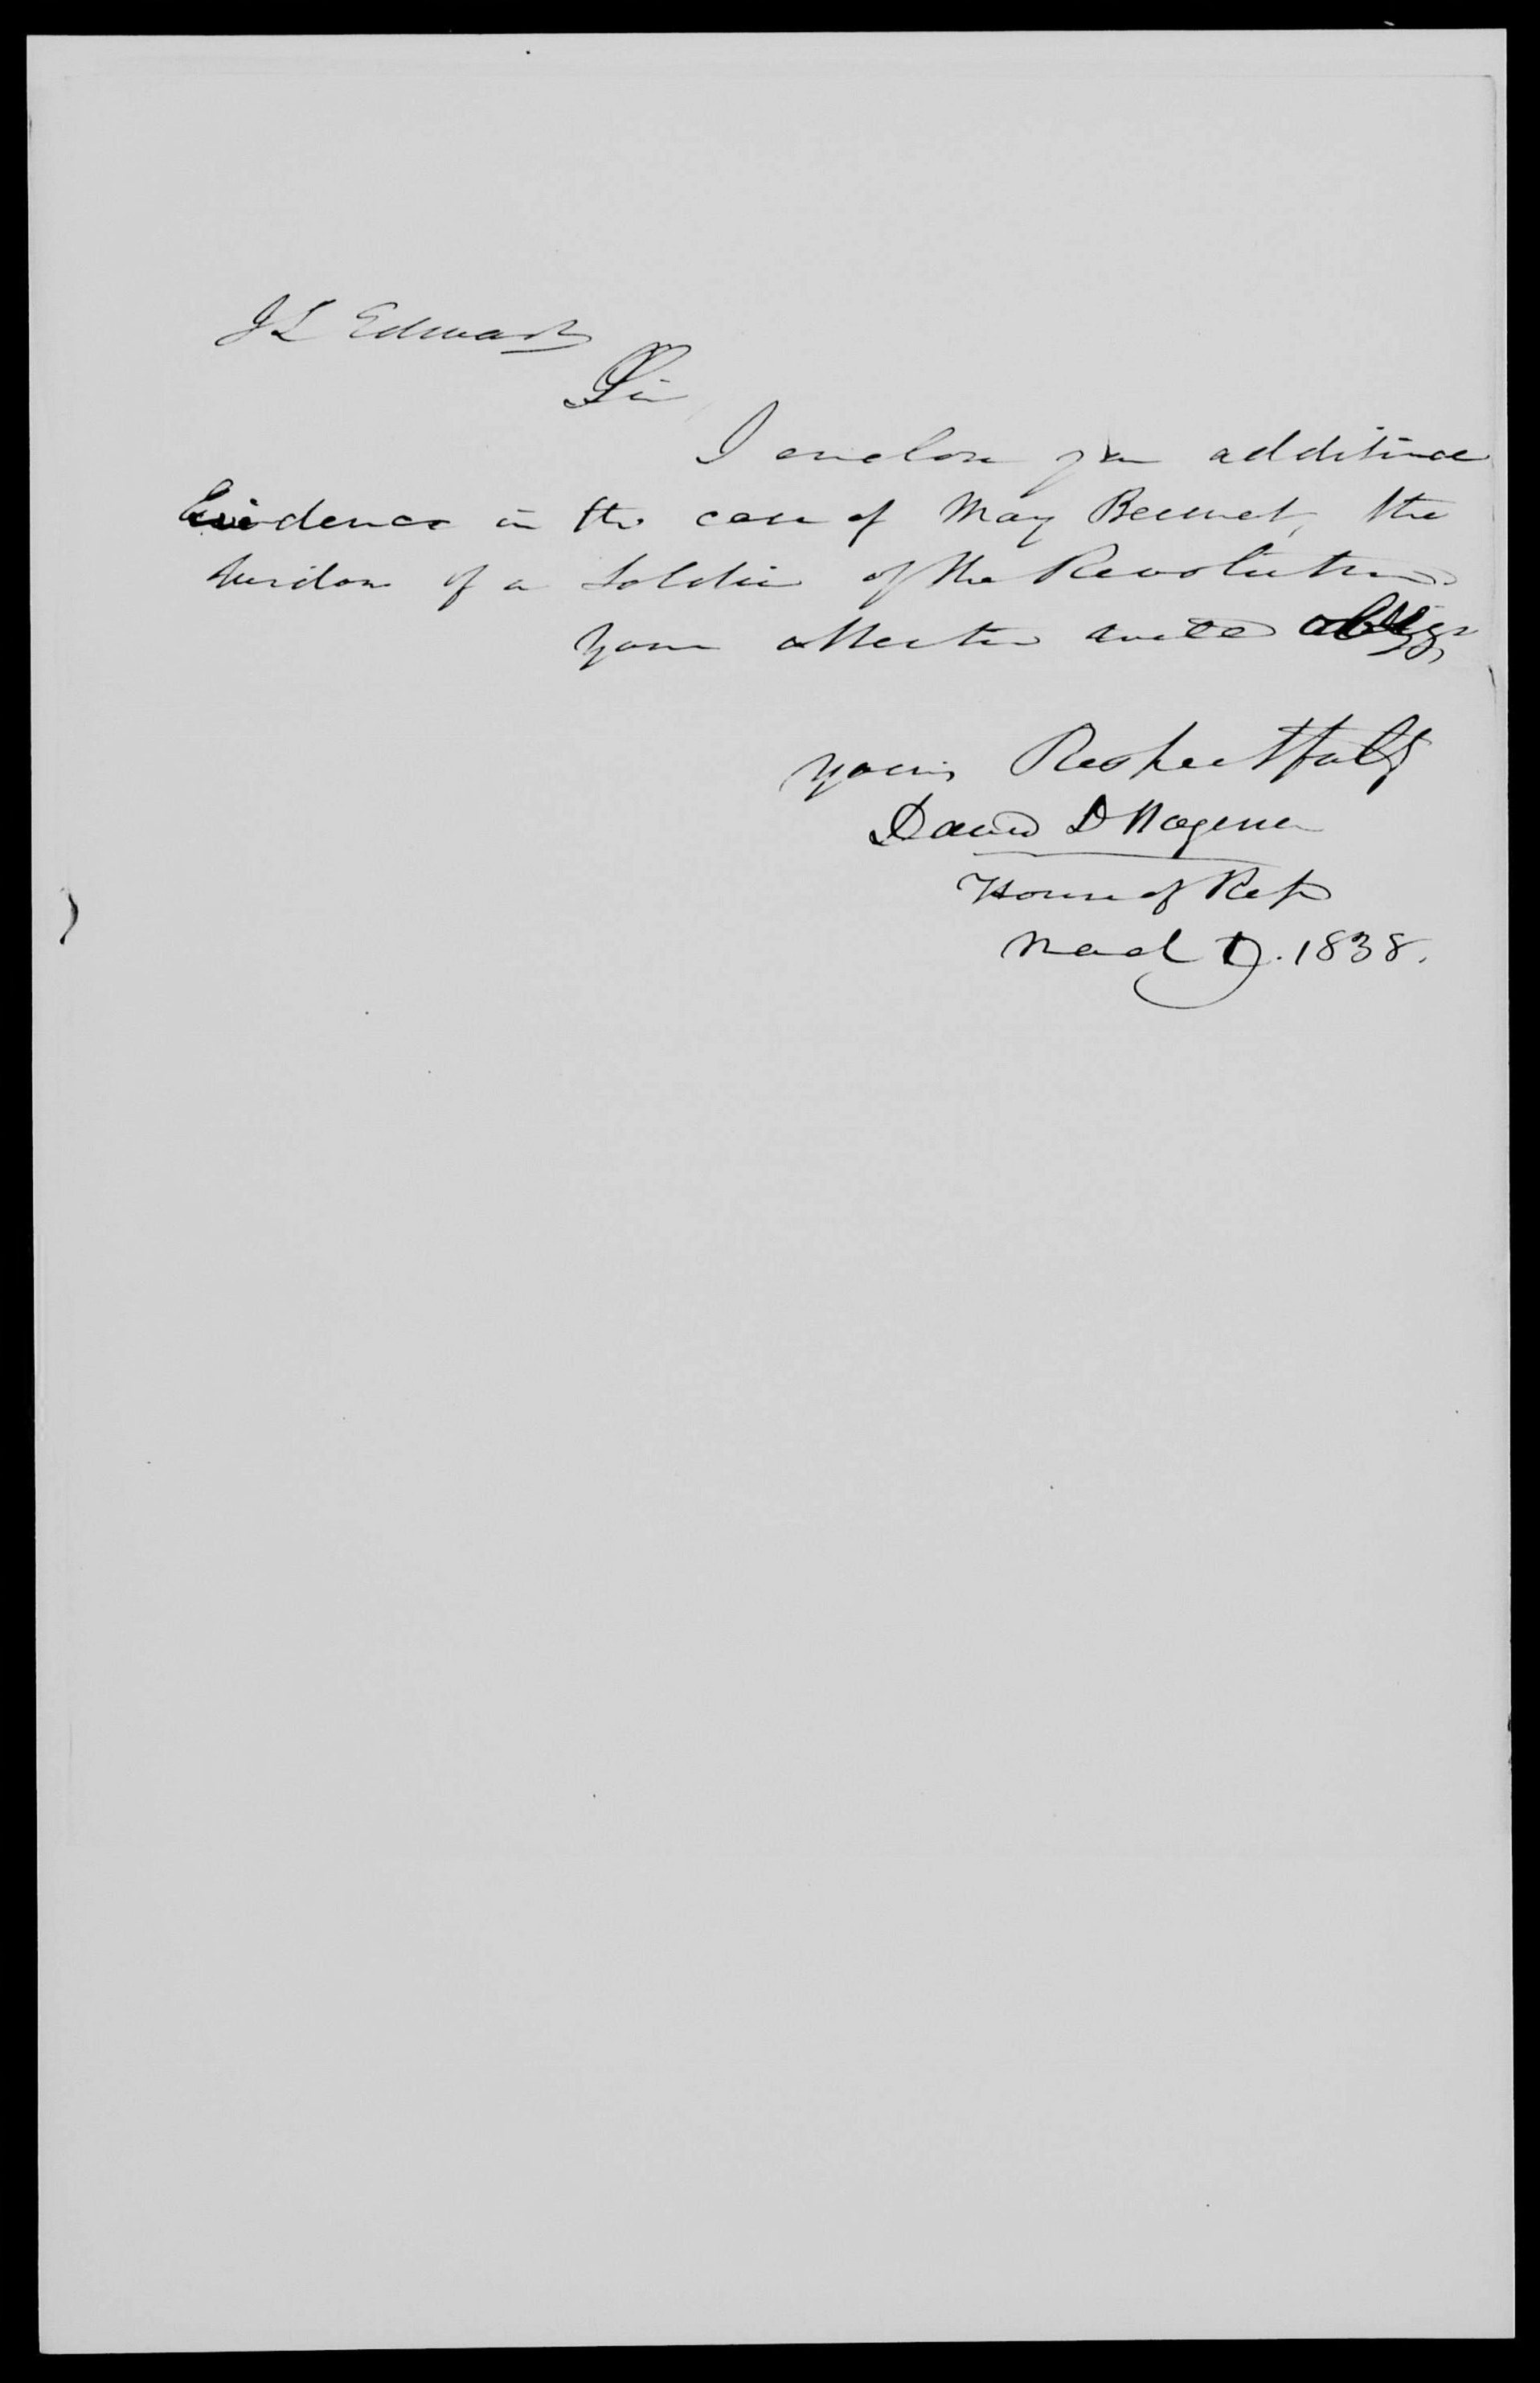J L Edward
enclose your additive
evidence in the case of May Bennet, the
widow of a soldier of the Revolution
your attention will oblige
Yours Respectfully
David D Hagen
House of Rep
March 9. 1838.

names: David D Wagener, J L Edwards, Mary Bennet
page: 56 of 79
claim: widow's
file: W. 2,906, Stephen Bennet, Conn.